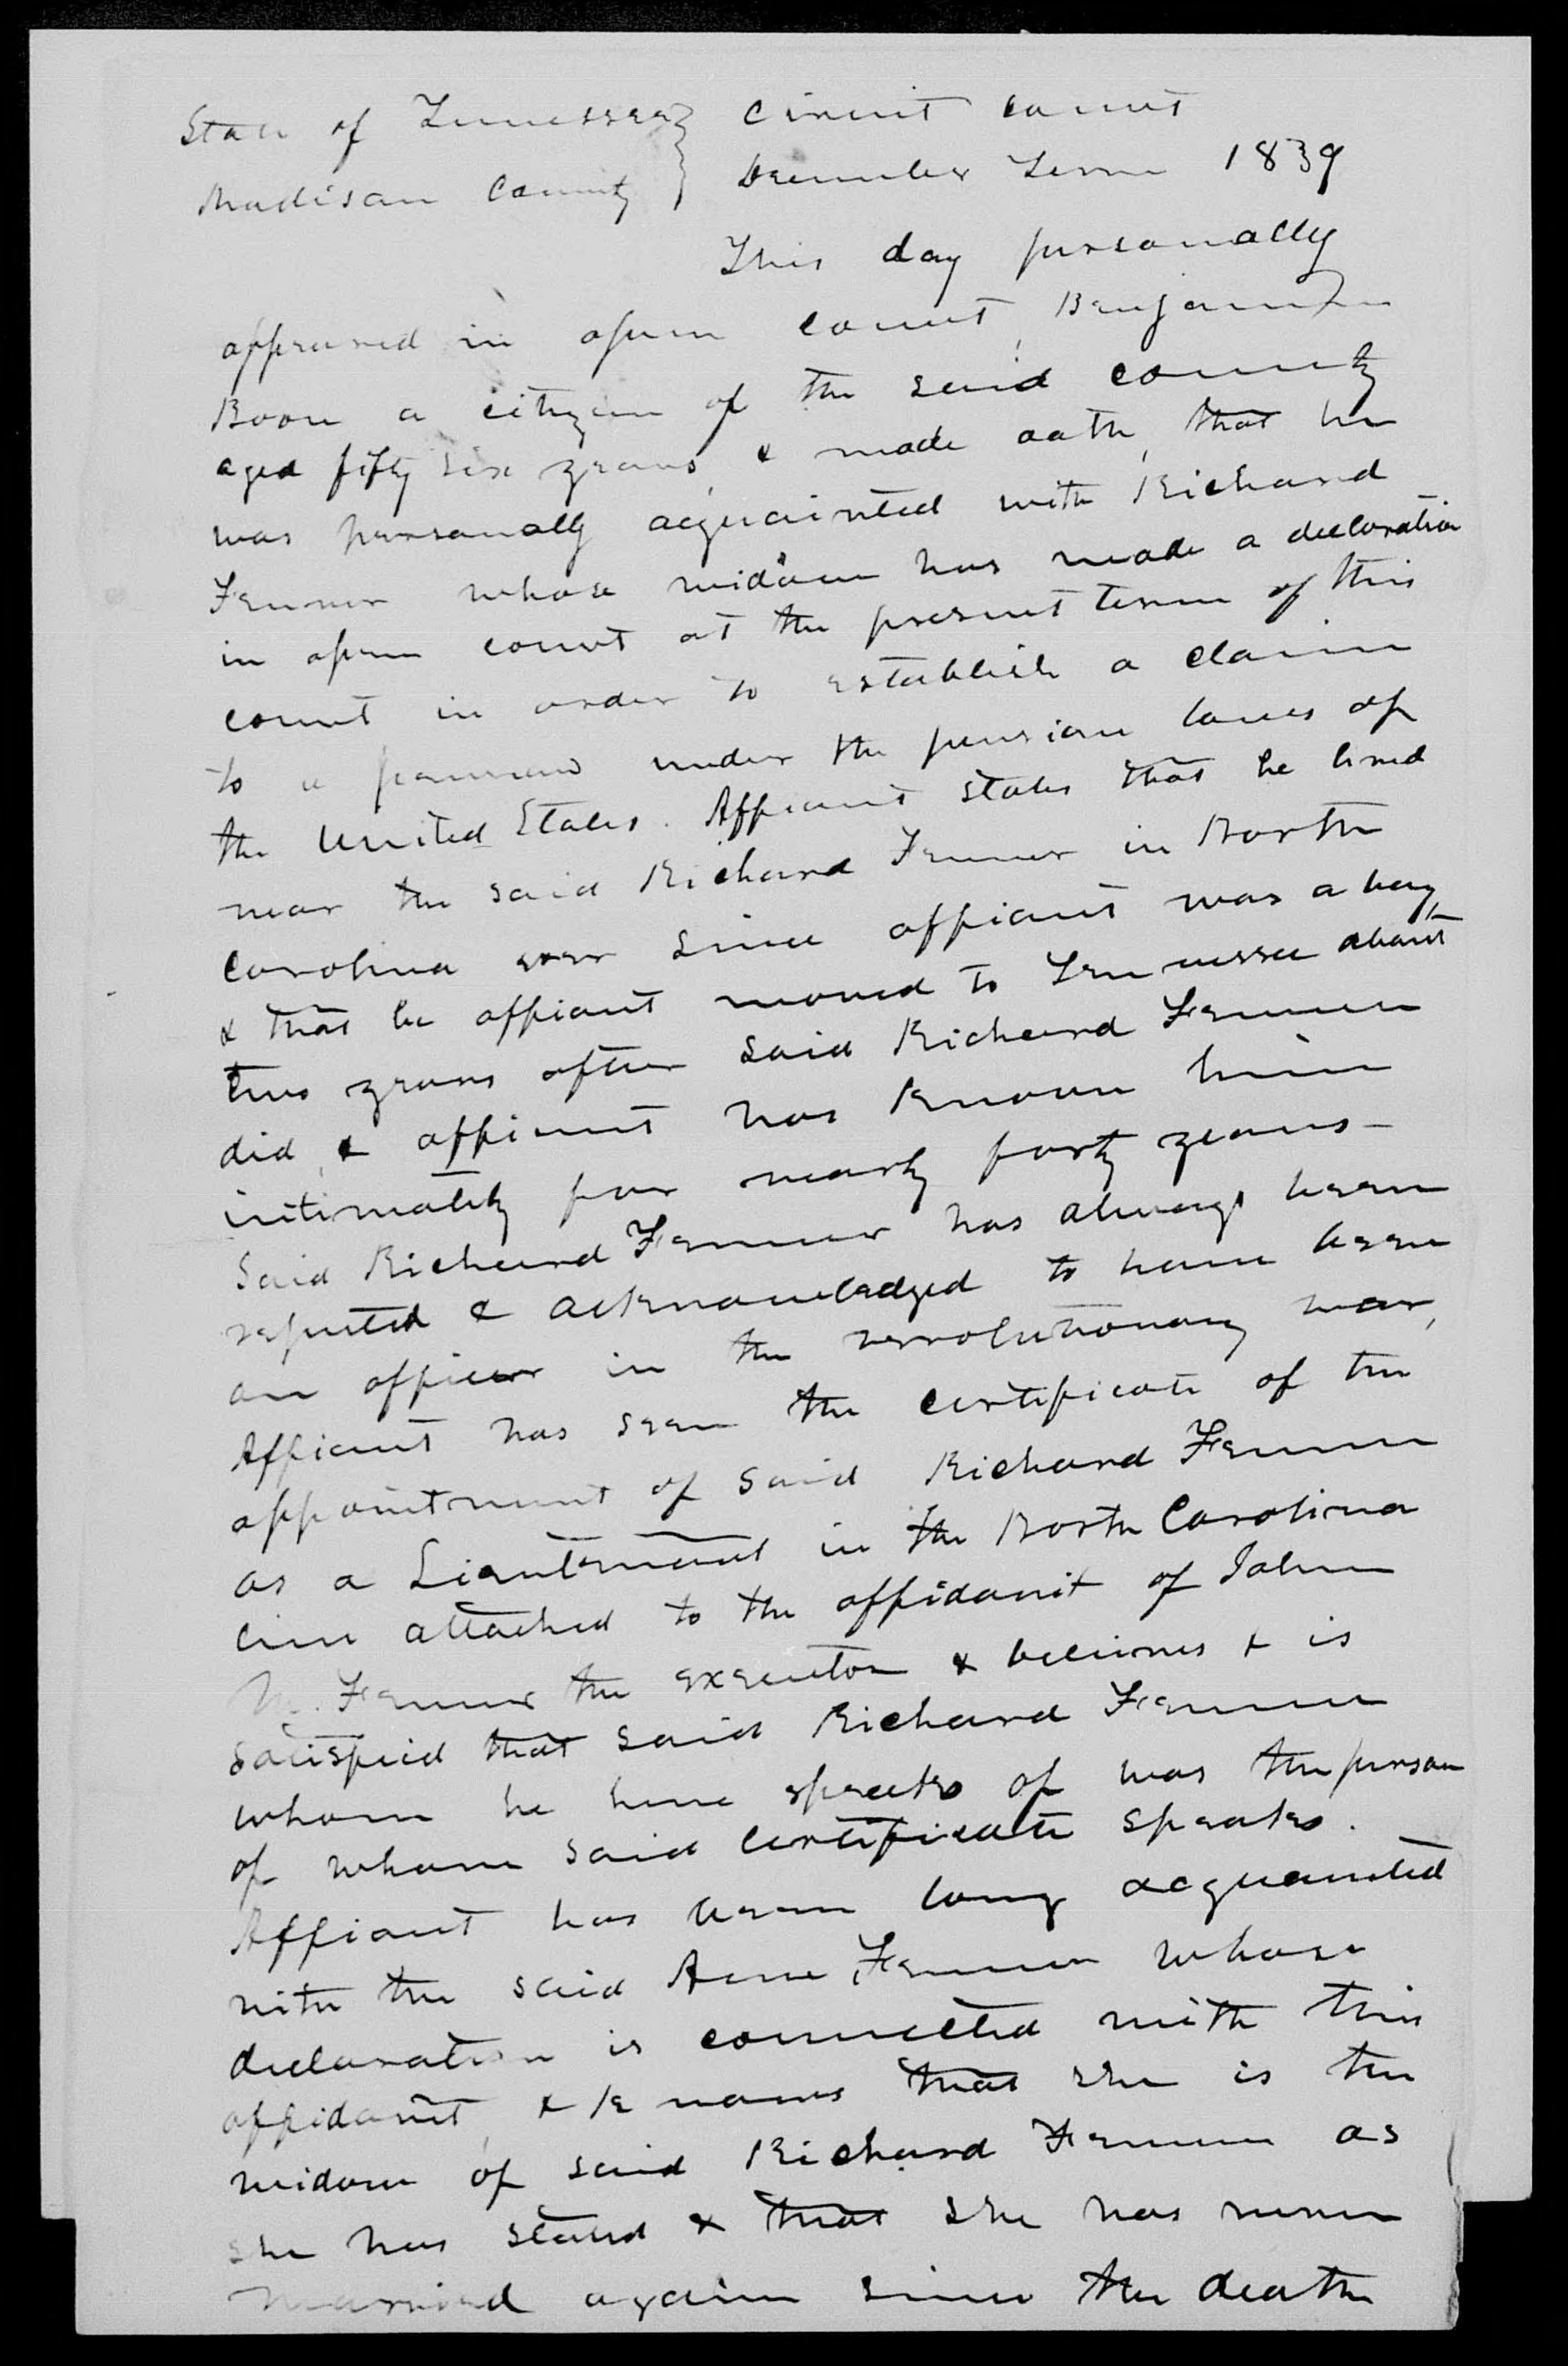State of Tennessee
Madison County

Circuit Court
December Ten 1839

This day personally appeared in open court Benjamin Boon a citizen of the said county aged fifty nine years and made oath, that he was personally acquainted with Richard Fenner whose widow has made a declaration in open court at the present time of this court in order to establish a claim to a pension under the pension laws of the United States.  Affiant states that he lived near the said Richard Fenner in North Carolina [illegible] since affiant was a boy and that he affiant moved to Tennessee about two years after Richard Fenneman did and affiant has known him intimately for nearly forty years - Said Richard Fenner has always been reputed and acknowledged to have been an officer in the Revolutionary War, Affiant has seen the certificate of the appointment of said Richard Fenner as a Lieutenant in the North Carolina line attached to the affidavit of John M. Fenner the executor and believes and is satisfied that said Richard Fenner whom he here speaks of was the person of which said certificate speaks.  Affiant has been long acquainted with the said Ann Fenner whose declaration is connected with this affidavit and knows that she is the widow of said Richard Fenner as she has stated and that she has never married again since his death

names: Ann Fenner, Richard Fenner, Richard Fenner, Richard Fenner, Richard Fenner, Benjamin Boon, John W Fenner, Richard Fenner, Richard Fenner, Richard Fenner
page: 29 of 39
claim: widow's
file: W. 789, Richard Fenner, N.C.